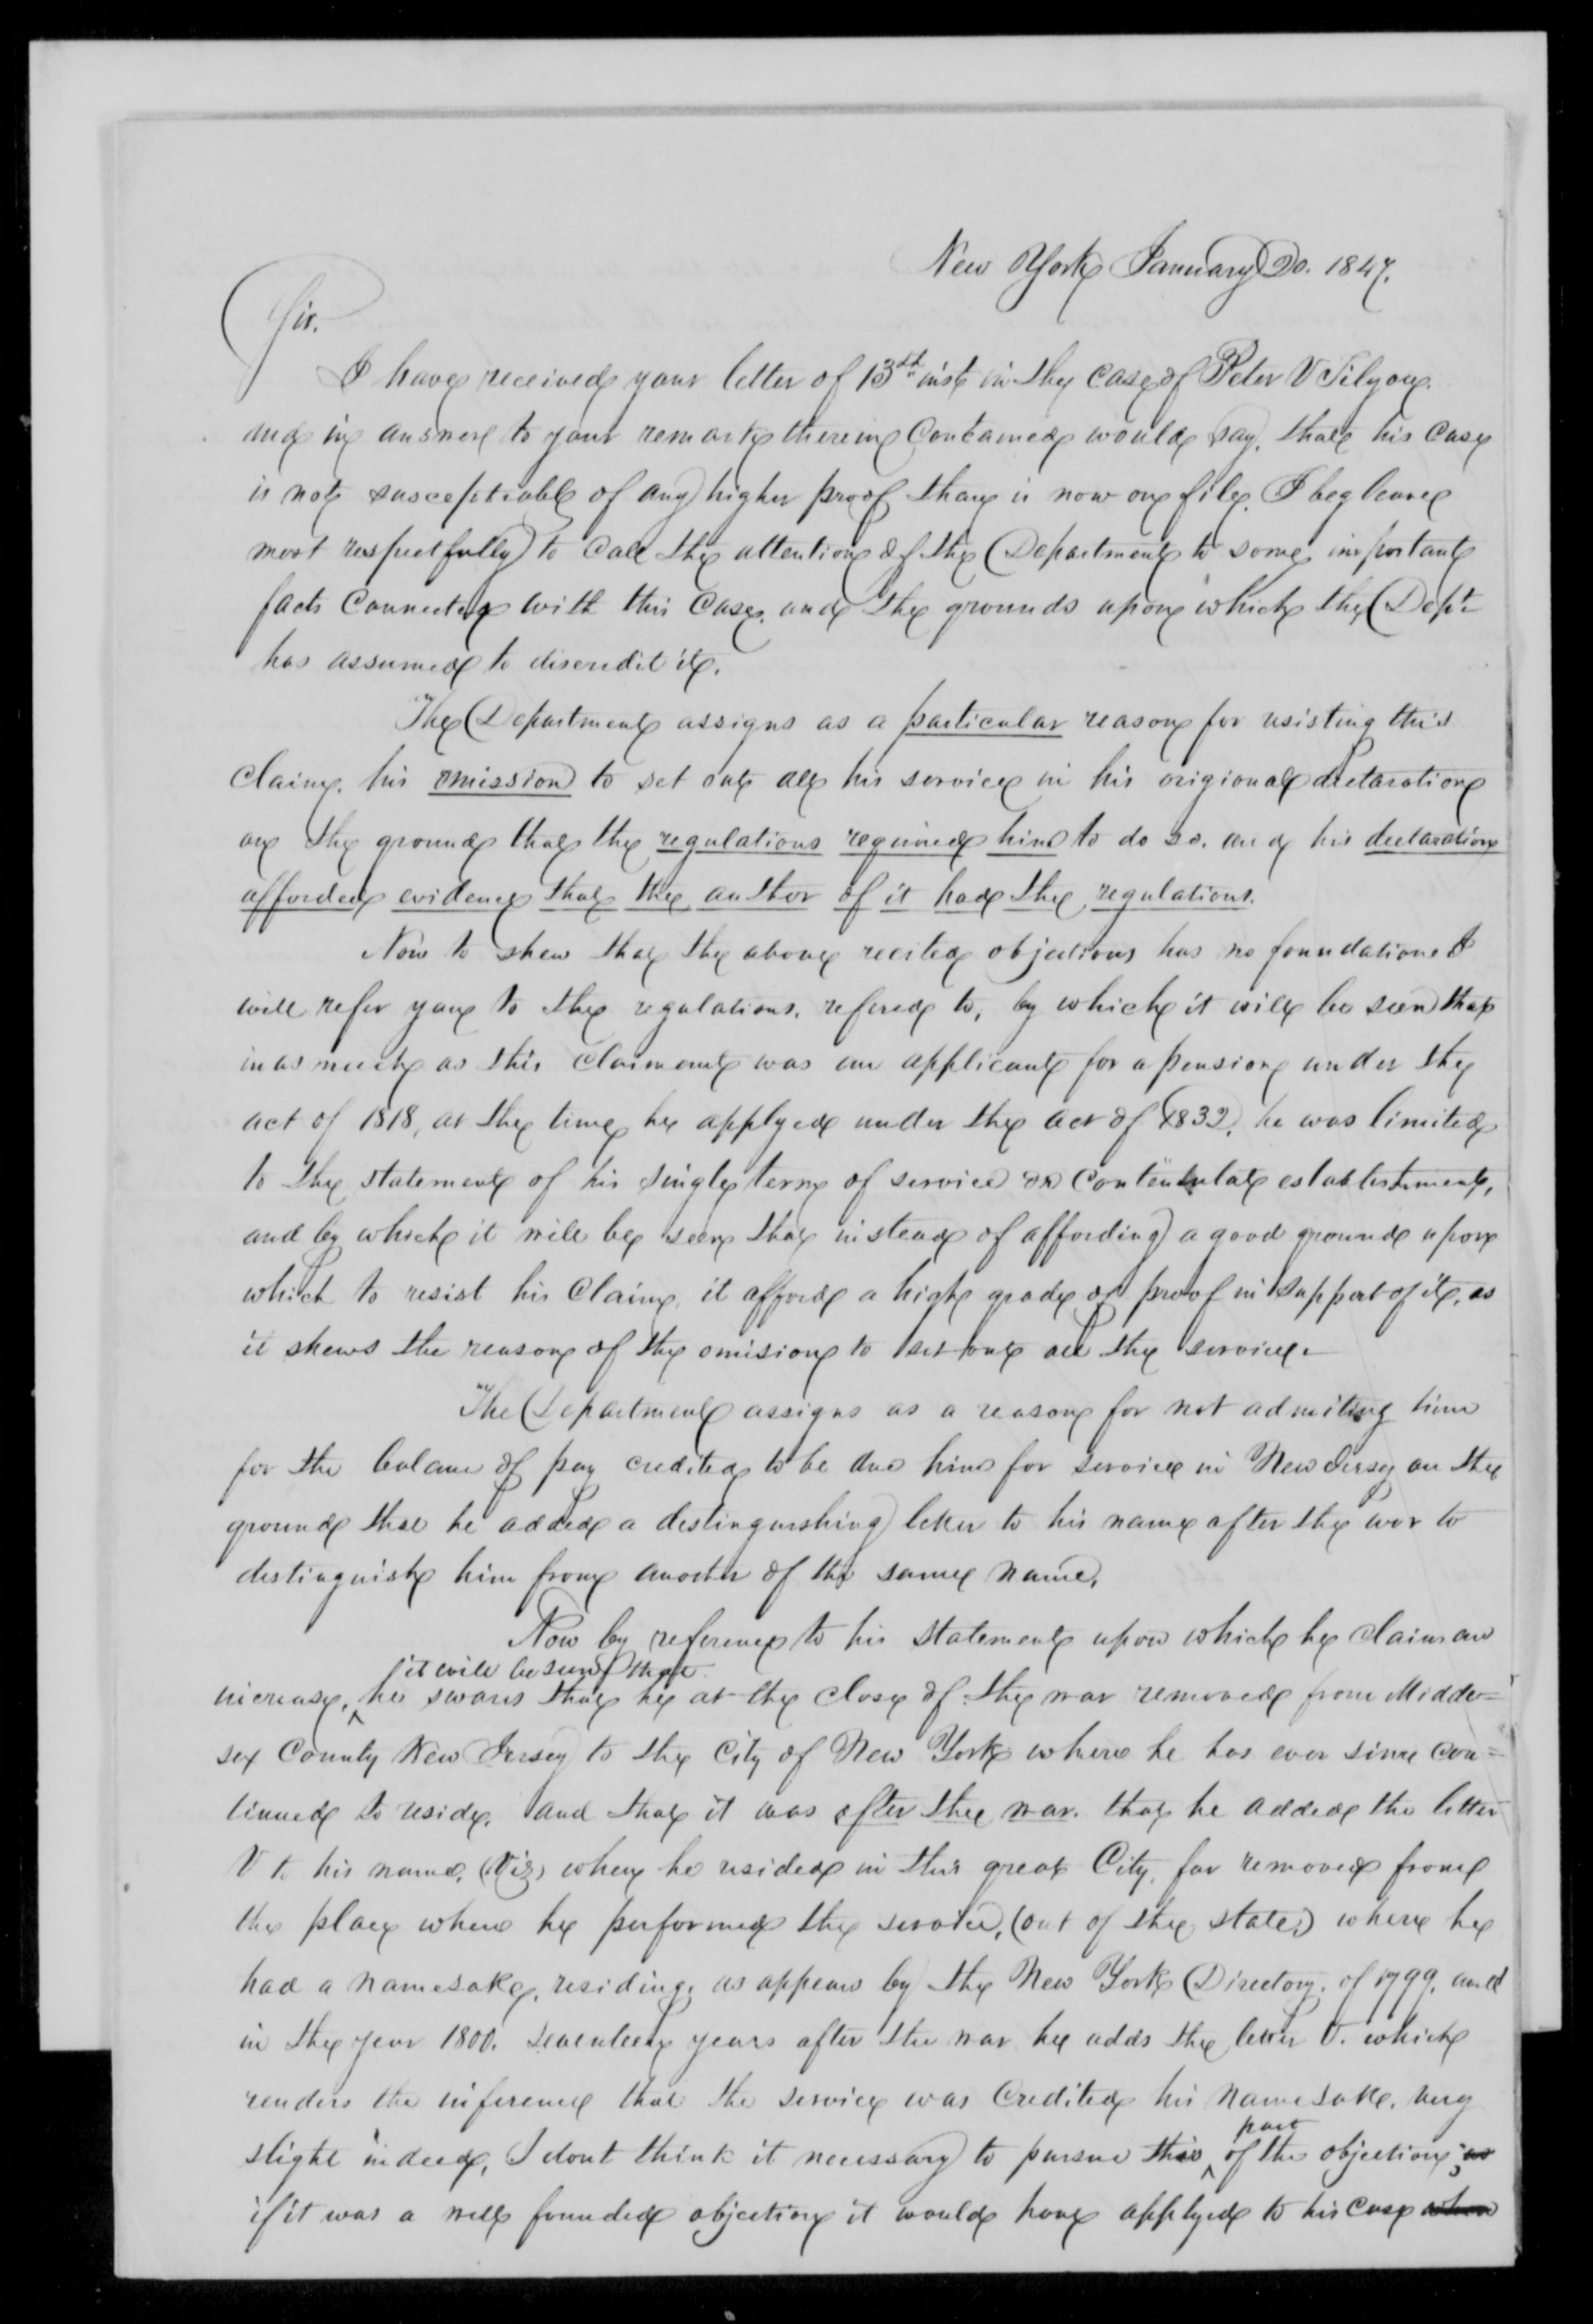New York January 20, 1847

Sir,

I have received your letter of the 13th inst in the case of Peter V. Tilyou and in answer to your remarks therein contained would say that his case is not susceptable to any higher proof than is now on file. I beg leave most respectfully to call the attentions of this Department to some important facts connected with this case and the grounds upon which the Dept has assumed to discredit it. 
The Department assigns as a particular reason for resisting this claim his omission to set out all of his services in his original declaration on the grounds that the regulations required him to do so, and his declaration afforded evidence that the author of it had the regulations.
Now to shew that the above recited objections  has no foundation I will refer you to this regulation, refered [referred] to, by which it will be seen that in as much as this claimant was an applicant for a pension under the Act of 1818, at the time he applyed under the Act of 1832, he was limited to the statement of his single term of service or continental establishment and by which it will be seen that instead of affording a good ground upon which to resist his claim, it affords a high grade of proof in support of it, as it shows the reason of this omision [omission] to set onto all the service.
The Department assigns as a reason for not admitting him for the balance of pay credited to be due him for service in New Jersey on the grounds that he added a distinguishing letter to his name after the war to distinguish him from another of the same name.
Now by reference to his statement upon which he claims an increase, ^ it will be seen that he swares [swears] that he at the close of the war removed from Middlesex County New Jersey to the City of New York where he has ever since continued to reside, and that it was after the war that he added the letter V to his name (viz) when he resided in that great City far removed from the place where he performed the service, (out of the state) where he had a namesake, residing, as appears by the New York Directory of 1799, and in the year 1800. Seventeen years after the war he adds the letter V. which renders the inference that the service was credited his namesake, very slight indeed. I don't think it necessary to pursue this ^ part of this objection, if it was a well founded objection it would have applyed to his [cusp?]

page: 63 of 101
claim: widow's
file: W. 25481, for Peter V Tilyou, New Jersey